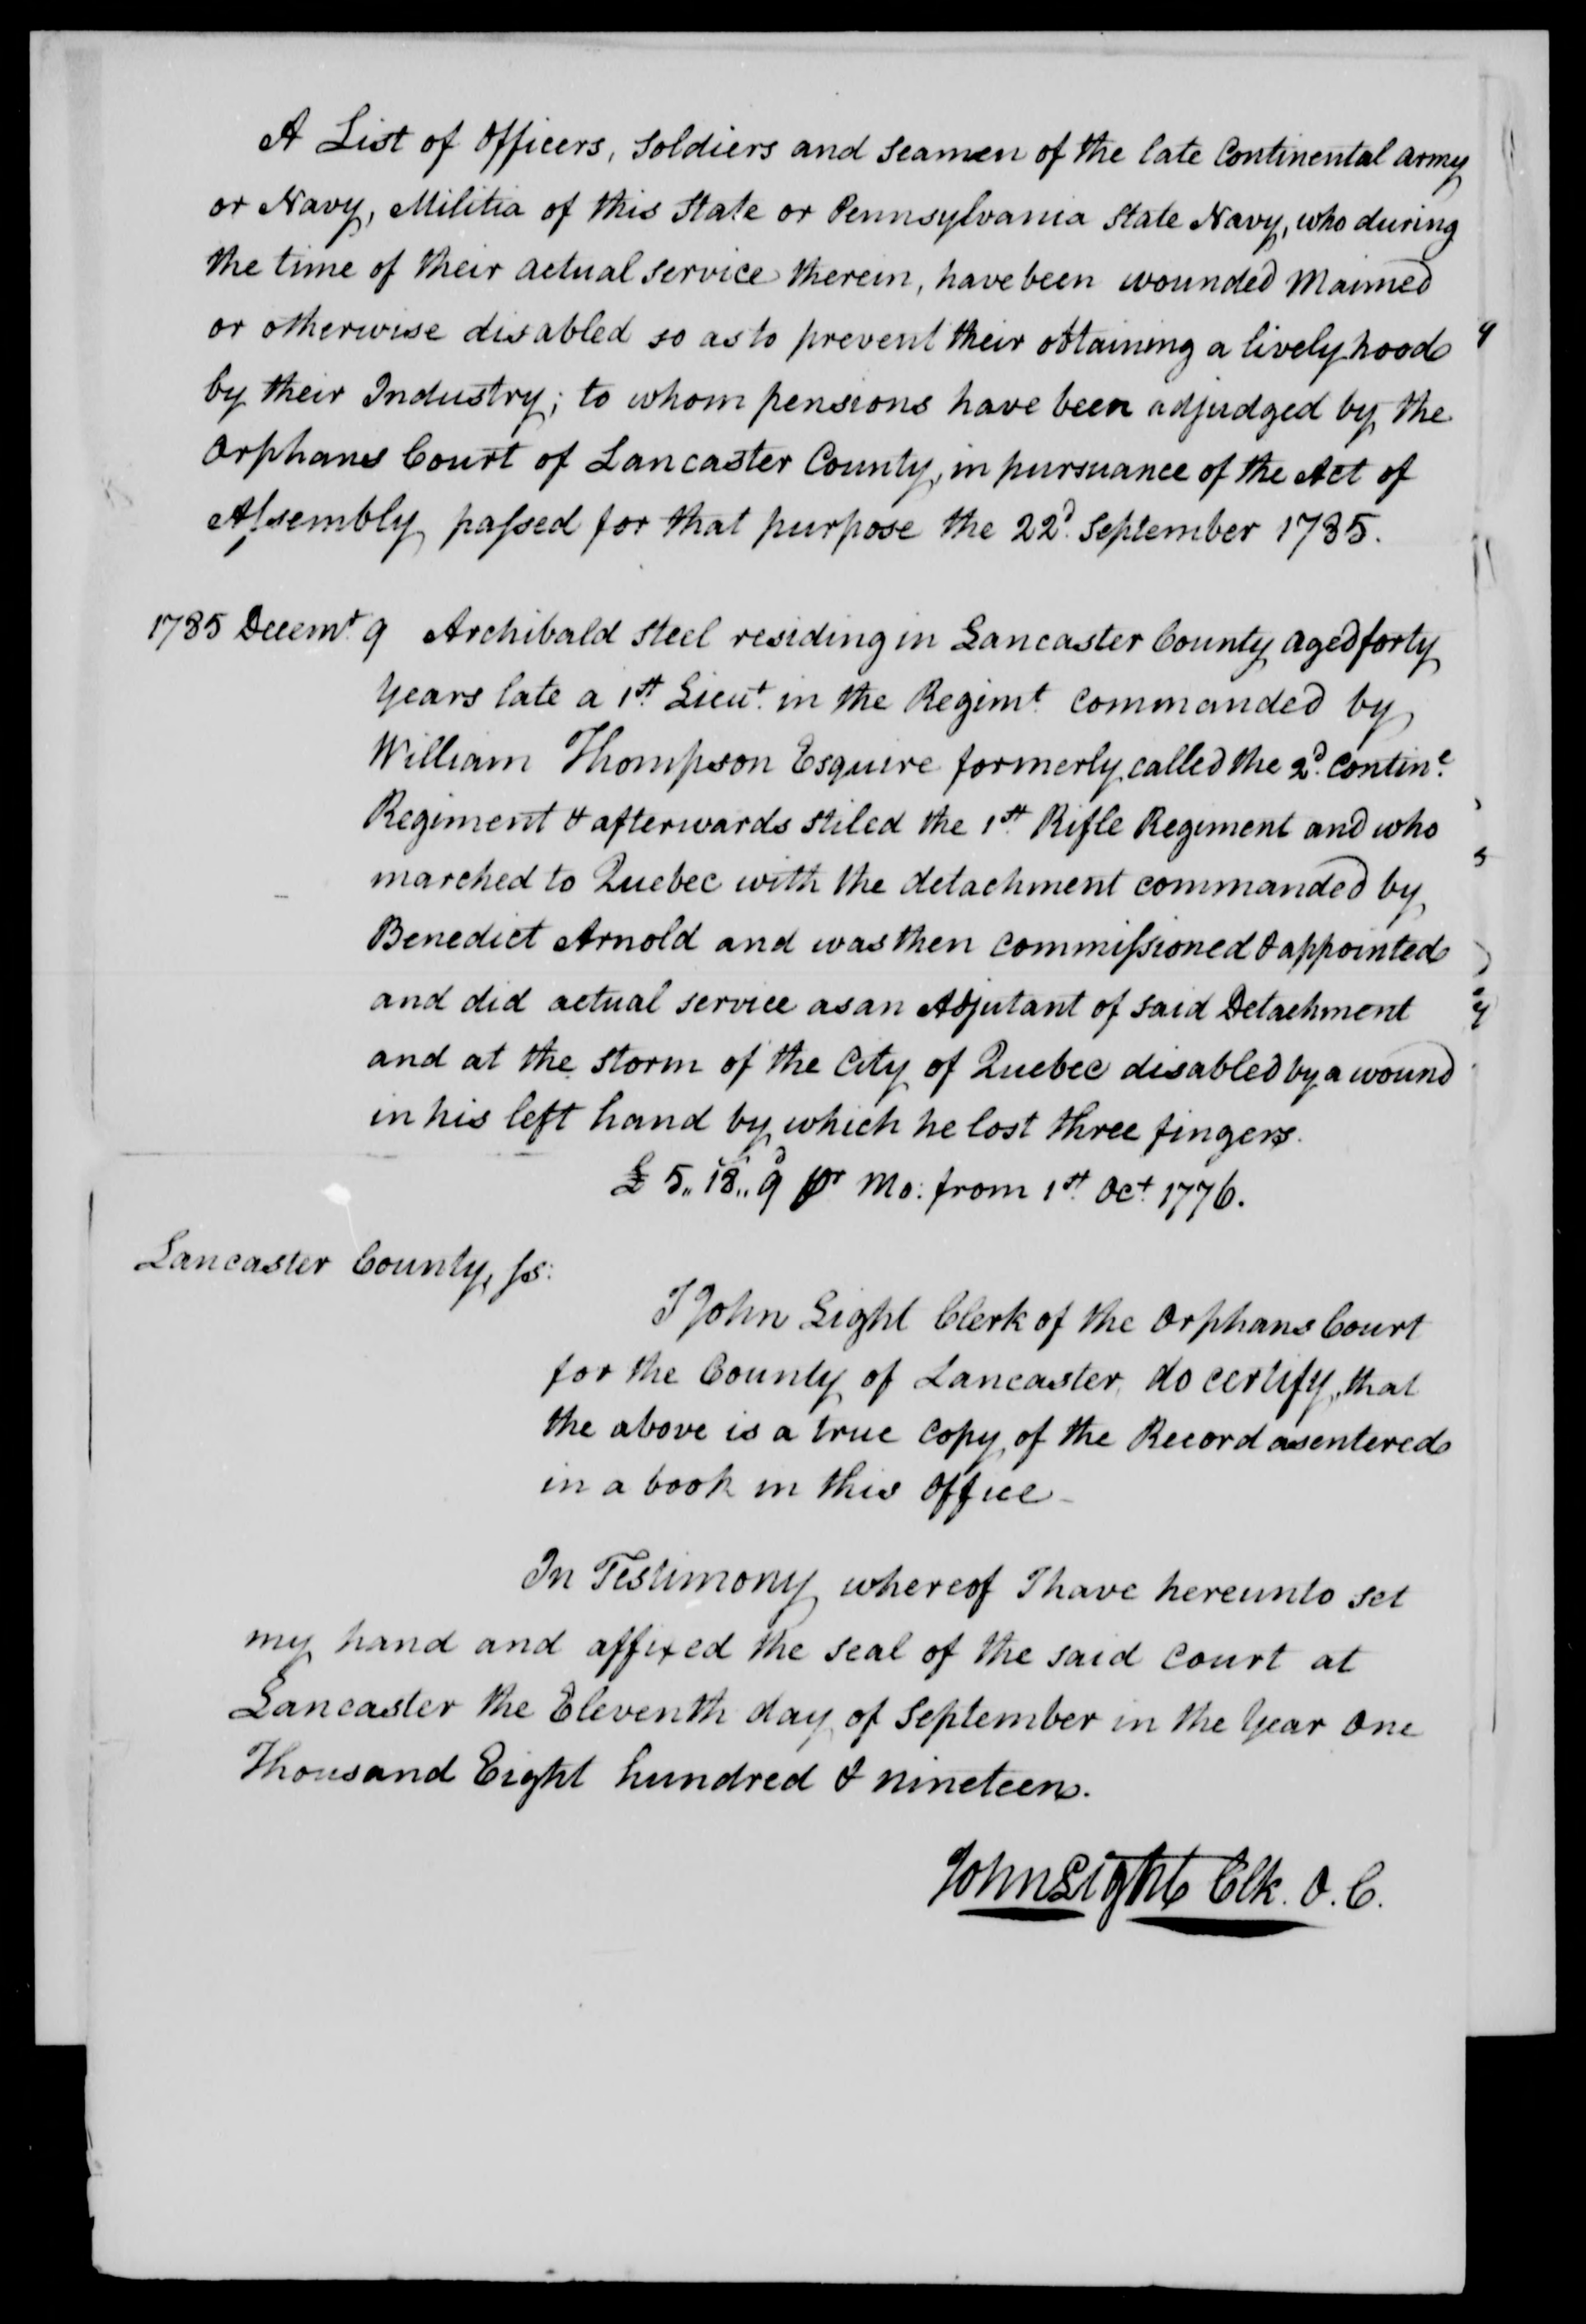A List of officers, soldiers and seamen of the late Continental army or navy, Militia of this State or Pennsylvania State Navy, who during the time of their actual service therein, have been wounded, maimed or otherwise disabled so as to prevent their obtaining a livelyhood by their Industry, to whom pensions have been adjudged by the Orphans Court of Lancaster County, in pursuance of the Act of Assembly passed for that purpose the 22d September 1785

1785 December 9

Archibald Steel, residing in Lancaster County, aged forty years, late a 1st Lieutenant in the Regiment commanded by William Thompson Esquire, formerly called the 2d continental Regiment & afterwards called the 1st Rifle Regiment 
and who marched to Quebec with the detachment commanded by Benedict Arnold and was then commissioned & appointed and did actual service as an Adjutant of said Detachment and at the storm of the City of Quebec disabled by a wound in his left hand by which he lost three fingers

L. 5,18, Mo. from 1st Oct 1776.

Lancaster County, ss:
I , John Light, Clerk of the Orphans Court for the County of Lancaster do certify, that the above is a true copy of the Record as entered in a book in this office.

In Testimony whereof I have hereunto set my hand and affixed the seal of the said Court at Lancaster, the Eleventh day of September in the year one
Thousand Eight hundred & nineteen (1819)

John S Light Clk. O.C.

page: 13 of 28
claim: survivor's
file: S. 7601, for Archibald Steel, Pennsylvania